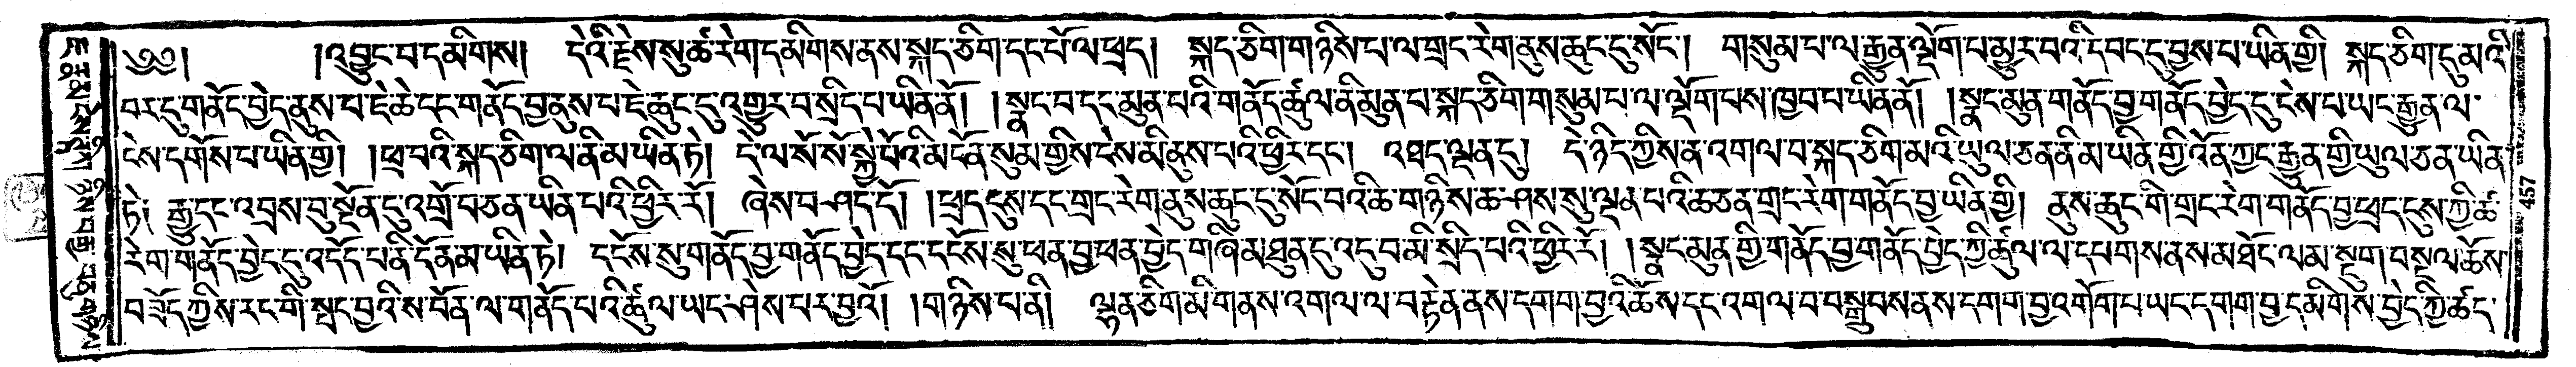༄༅། །འབྱུང་བ་དམིགས། དེའི་རྗེས་སུ་ཚ་རེག་དམིགས་ནས་སྐད་ཅིག་དང་པོ་ལ་ཕྲད། སྐད་ཅིག་གཉིས་པ་ལ་གྲང་རེག་ནུས་ཆུང་དུ་སོང་། གསུམ་པ་ལ་རྒྱུན་ལྡོག་པ་མྱུར་བའི་དབང་དུ་བྱས་པ་ཡིན་གྱི། སྐད་ཅིག་དུ་མའི་
བར་དུ་གནོད་བྱེད་ནུས་པ་ཇེ་ཆེ་དང་གནོད་བྱ་ནུས་པ་ཇེ་ཆུང་དུ་འགྱུར་བ་སྲིད་པ་ཡིན་ནོ། །སྣང་བ་དང་མུན་པའི་གནོད་ཚུལ་ནི་མུན་པ་སྐད་ཅིག་གསུམ་པ་ལ་ལྡོག་པས་ཁྱབ་པ་ཡིན་ནོ། །སྣང་མུན་གནོད་བྱ་གནོད་བྱེད་དུ་ངེས་པ་ཡང་རྒྱུན་ལ་
ངེས་དགོས་པ་ཡིན་གྱི། །ཕྲ་བའི་སྐད་ཅིག་ལ་ནི་མ་ཡིན་ཏེ། དེ་ལ་སོ་སོ་སྐྱེ་བོའི་མངོན་སུམ་གྱིས་ངེས་མི་ནུས་པའི་ཕྱིར་དང་། འཐད་ལྡན་དུ། དེ་ཉིད་ཀྱིས་ན་འགལ་བ་སྐད་ཅིག་མའི་ཡུལ་ཅན་ནི་མ་ཡིན་གྱི་འོན་ཀྱང་རྒྱུན་གྱི་ཡུལ་ཅན་ཡིན་
ཏེ། རྒྱུ་དང་འབྲས་བུ་སྔོན་དུ་འགྲོ་བ་ཅན་ཡིན་པའི་ཕྱིར་རོ། ཞེས་བཤད་དོ། །ཕྲད་དུས་དང་གྲང་རེག་ནུས་ཆུང་ངུ་སོང་བའི་ཆ་གཉིས་ཆ་ཤས་སུ་ལྡན་པའི་ཆ་ཅན་གྲང་རེག་གནོད་བྱ་ཡིན་གྱི། ནུས་ཆུང་གི་གྲང་རེག་གནོད་བྱ་ཕྲད་དུས་ཀྱི་ཚ་
རེག་གནོད་བྱེད་དུ་འདོད་པ་ནི་དོན་མ་ཡིན་ཏེ། དངོས་སུ་གནོད་བྱ་གནོད་བྱེད་དང་དངོས་སུ་ཕན་བྱ་ཕན་བྱེད་གཞི་མཐུན་དུ་འདུ་བ་མི་སྲིད་པའི་ཕྱིར་རོ། །སྣང་མུན་གྱི་གནོད་བྱ་གནོད་བྱ་གནོད་བྱེད་ཀྱི་ཚུལ་ལ་དཔགས་ནས་མཐོང་ལམ་སྡུག་བསྔལ་ཆོས་
བཟོད་ཀྱིས་རང་གི་སྤང་བྱའི་ས་བོན་ལ་གནོད་པའི་ཚུལ་ཡང་ཤེས་པར་བྱའོ། །གཉིས་པ་ནི། ལྷན་ཅིག་མི་གནས་འགལ་ལ་བརྟེན་ནས་དགག་བྱའི་ཆོས་དང་འགལ་བ་བསྒྲུབས་ནས་དགག་བྱ་འགོག་པ་ཡང་དགག་བྱ་དམིགས་བྱེད་ཀྱི་ཚད་